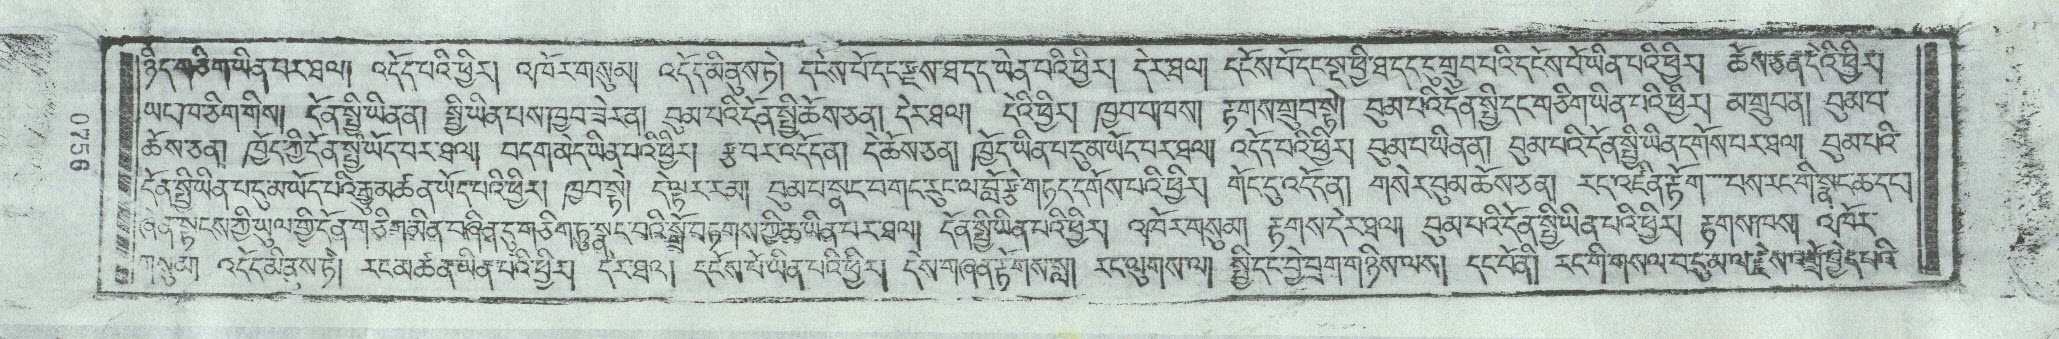ཉིད་གཅིག་ཡིན་པར་ཐལ། འདོད་པའི་ཕྱིར། འཁོར་གསུམ། འདོད་མི་ནུས་ཏེ། དངོས་པོ་དང་རྫས་ཐ་དད་ཡིན་པའི་ཕྱིར། དེར་ཐལ། དངོས་པོ་དང་སྔ་ཕྱི་ཐ་དད་དུ་གྲུབ་པའི་དངོས་པོ་ཡིན་པའི་ཕྱིར། ཆོས་ཅན་དེའི་ཕྱིར།
ཡང་ཁ་ཅིག་གིས། དོན་སྤྱི་ཡིན་ན། སྤྱི་ཡིན་པས་ཁྱབ་ཟེར་ན། བུམ་པའི་དོན་སྤྱི་ཆོས་ཅན། དེར་ཐལ། དེའི་ཕྱིར། ཁྱབ་པ་ཁས། རྟགས་གྲུབ་སྟེ། བུམ་པའི་དོན་སྤྱི་དང་གཅིག་ཡིན་པའི་ཕྱིར། མ་གྲུབ་ན། བུམ་པ་
ཆོས་ཅན། ཁྱོད་ཀྱི་དོན་སྤྱི་ཡོད་པར་ཐལ། བདག་མེད་ཡིན་པའི་ཕྱིར། རྩ་བར་འདོད་ན། དེ་ཆོས་ཅན། ཁྱོད་ཡིན་པ་དུ་མ་ཡོད་པར་ཐལ། འདོད་པའི་ཕྱིར། བུམ་པ་ཡིན་ན། བུམ་པའི་དོན་སྤྱི་ཡིན་དགོས་པར་ཐལ། བུམ་པའི་
དོན་སྤྱི་ཡིན་པ་དུ་མ་ཡོད་པའི་རྒྱུ་མཚན་ཡོད་པའི་ཕྱིར། ཁྱབ་སྟེ། དེ་ལྟར་རམ། བུམ་པ་སྣང་བ་གང་རུང་ལ་བློ་རྩེ་གཏད་དགོས་པའི་ཕྱིར། གོང་དུ་འདོད་ན། གསེར་བུམ་ཆོས་ཅན། རང་འཛིན་རྟོག་པས་རང་གི་སྣང་ཆ་དང་།
ཞེན་སྟངས་ཀྱི་ཡུལ་གྱི་དོན་གཅིག་མིན་བཞིན་དུ་གཅིག་ཏུ་སྣང་བའི་སྒྲོ་བཏགས་ཀྱི་ཆ་ཡིན་པར་ཐལ། དོན་སྤྱི་ཡིན་པའི་ཕྱིར། འཁོར་གསུམ། རྟགས་དེར་ཐལ། བུམ་པའི་དོན་སྤྱི་ཡིན་པའི་ཕྱིར། རྟགས་ཁས། འཁོར་
གསུམ། འདོད་མི་ནུས་ཏེ། རང་མཚན་ཡིན་པའི་ཕྱིར། དེར་ཐལ། དངོས་པོ་ཡིན་པའི་ཕྱིར། དེས་གཞན་རྟོགས་སླ། རང་ལུགས་ལ། སྤྱི་དང་བྱེ་བྲག་གཉིས་ལས། དང་པོ་ནི། རང་གི་གསལ་བ་དུ་མ་ལ་རྗེས་འགྲོ་བྱེད་པའི་